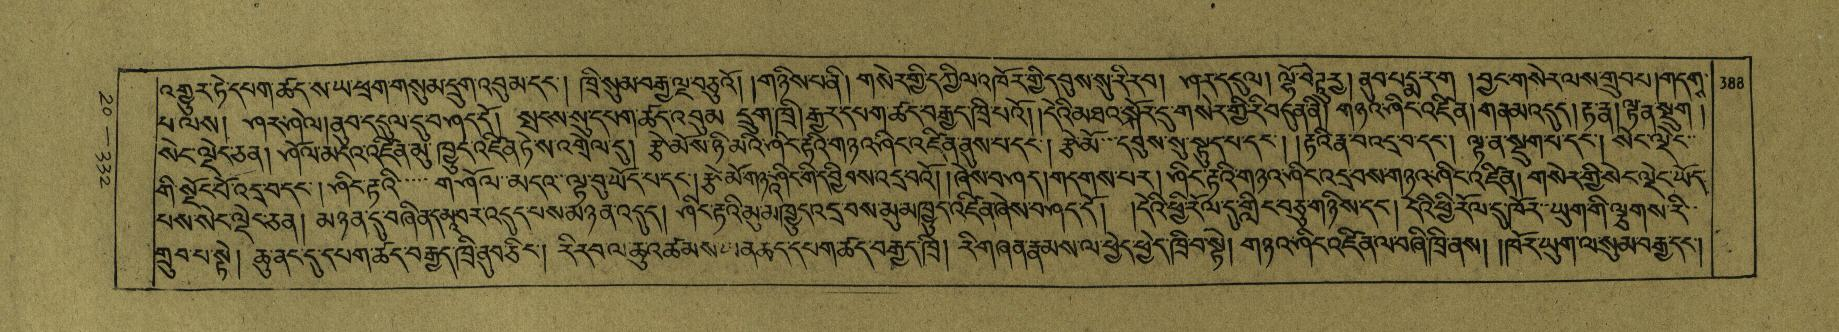འགྱུར་ཏེ་དཔག་ཚད་ས་ཡ་ཕྲག་གསུམ་དྲུག་འབུམ་དང་། ཁྲི་སུམ་བརྒྱ་ལྔ་བཅུའོ། །གཉིས་པ་ནི། གསེར་གྱི་དཀྱིལ་འཁོར་གྱི་དབུས་སུ་རི་རབ། ཤར་དངུལ། ལྷོ་བེཌཱུརྱ། ནུབ་པདམ་ར་ག །བྱང་གསེར་ལས་གྲུབ་པ། གདགས་
པ་ལས། ཤར་ཤེལ། ནུབ་དངུལ་དུ་བཤད་དོ། སྤངས་སུ་དཔག་ཚད་འབུམ་དྲུག་ཁྲི། རྒྱར་དཔག་ཚད་བརྒྱད་ཁྲི་པའོ། །དེའི་མཐའ་སྐོར་དུ་གསེར་གྱི་རི་བདུན་ནི། གཉའ་ཤིང་འཛིན། གནམ་འདུད། རྟ་རྣ། ལྟན་སྡུག།
སེང་ལྡེང་ཅན། ཤོལ་མདའ་འཛིན་མུ་ཁྱུད་འཛིན་ཏེ་ས་འགྲེལ་དུ། རྩེ་མོས་ཉི་མའི་ཤིང་རྟའི་གཉའ་ཤིང་འཛིན་ནུས་པ་དང་། རྩེ་མོ་དབུས་སུ་སྟུད་པ་དང་། །རྟའི་རྣ་བ་འདྲ་བ་དང་། ལྟ་ན་སྡུག་པ་དང་། སེང་ལྡེང་
གི་སྡོང་པོ་འདྲ་བ་དང་། ཤིང་རྟའི་གཤོལ་མདའ་ལྟ་བུ་ཡོད་པ་དང་། རྩེ་མོ་གཉའ་ཤིང་གི་དབྱིབས་འདྲ་བའོ། །ཞེས་བཤད། གདགས་པར། ཤིང་རྟའི་གཉའ་ཤིང་འདྲ་བས་གཉའ་ཤིང་འཛིན། གསེར་གྱི་སེང་ལྡེང་ཡོད་
པས་སེང་ལྡེང་ཅན། མཉན་དུ་བཞིན་དམའ་བར་འདུད་པས་མཉན་འདུད། ཤིང་རྟའི་མུ་མཁྱུད་འདྲ་བས་མུ་མཁྱུད་འཛིན་ཞེས་བཤད་དོ། །དེའི་ཕྱི་རོལ་དུ་གླིང་བཅུ་གཉིས་དང་། དེའི་ཕྱི་རོལ་དུ་ཁོར་ཡུག་གི་ལྕགས་རི་
གྲུབ་པ་སྟེ། ཆུ་ནང་དུ་དཔག་ཚད་བརྒྱད་ཁྲི་ནུབ་ཅིང་། རི་རབ་ལ་ཆུ་འཚམས་ཡན་ཆད་དཔག་ཚད་བརྒྱད་ཁྲི། རི་གཞན་རྣམས་ལ་ཕྱེད་ཕྱེད་ཁྲི་བ་སྟེ། གཉའ་ཤིང་འཛིན་ལ་བཞི་ཁྲི་ནས། །ཁོར་ཡུག་ལ་སུམ་བརྒྱ་དང་